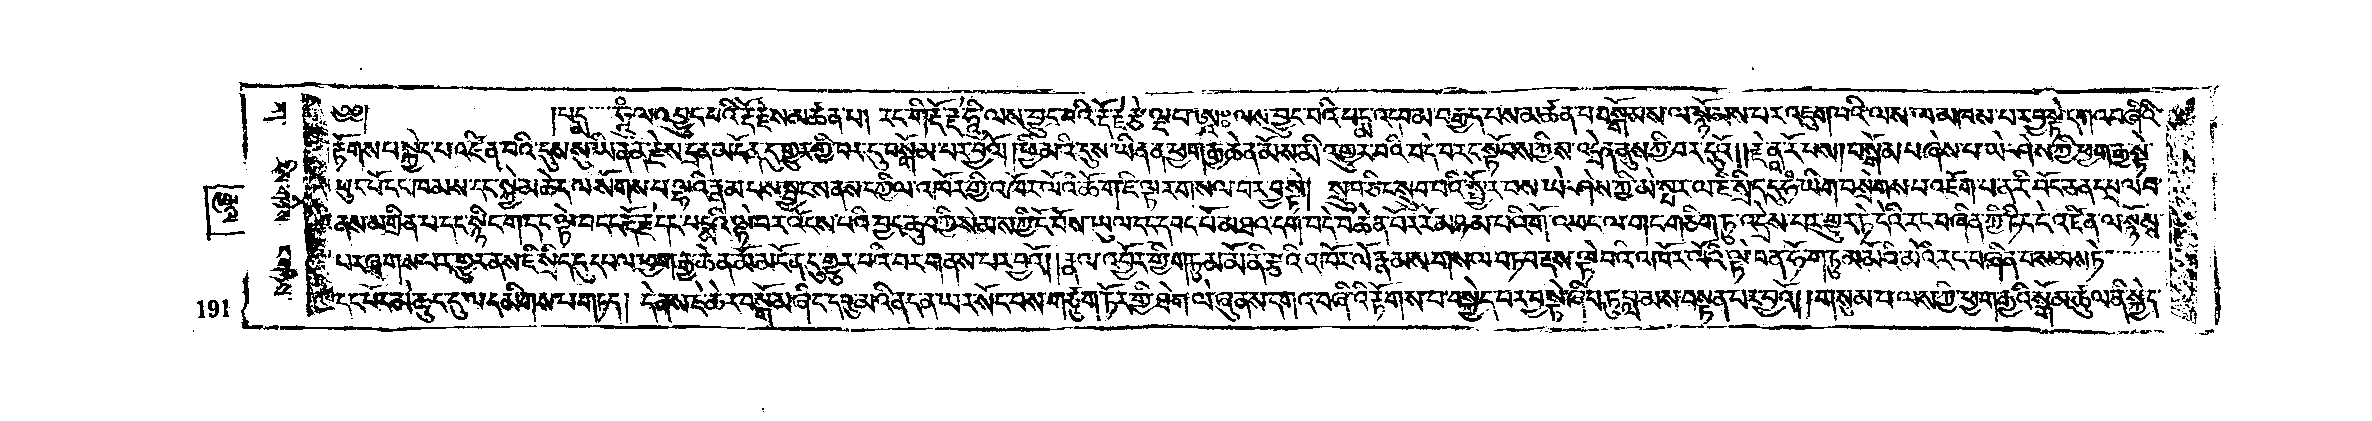༄༅། །པདམ་ཧཱུཾ་ལ་འབྱུང་བའི་རྡོ་རྗེས་མཚན་པ། རང་གི་རྡོ་རྗེ་ཧཱུཾ་ལས་བྱུང་བའི་རྡོ་རྗེ་རྩེ་ལྔ་པ་ཨཱཿ ལས་བྱུང་བའི་པདམ་འདབ་མ་བརྒྱད་པས་མཚན་པ་བསྒོམས་ལ་སྙོམས་པར་འཇུག་པའི་ལས་ལ་མཁས་པར་བྱ་སྟེ་དགའ་བཞིའི་
རྟོགས་པ་སྐྱེད་པ་འཛིན་པའི་དུས་སུ་ཡིན་ན་རྗེས་དྲན་མངོན་དུ་གྱུར་གྱི་བར་དུ་བསྒོམ་པར་བྱའོ། །ཕྱི་མའི་དུས་ཡིན་ན་ཕྱག་རྒྱ་ཆེན་མོས་མི་འགྱུར་བའི་བདེ་བ་རང་སྟོབས་ཀྱིས་འདྲེན་ནུས་ཀྱི་བར་དུའོ། །རྗེ་ནཱ་རོ་པས། བསྒོམ་པ་ཞེས་པ་ཡེ་ཤེས་ཀྱི་ཕྱག་རྒྱ་སྟེ་
ཕུང་པོ་དང་ཁམས་དང་སྐྱེ་མཆེད་ལ་སོགས་པ་ལྷའི་རྣམ་པས་སྦྱངས་ནས་དཀྱིལ་འཁོར་གྱི་འཁོར་ལོའི་ཆོ་ག་ཇི་ལྟར་གསལ་བར་བྱ་སྟེ། སྲུབ་ཅིང་སྲུབ་པའི་སྦྱོར་བས་ཡེ་ཤེས་ཀྱི་མེ་སྤར་ལ་ཇི་སྲིད་དུ་ཧཾ་ཡིག་བསྲེགས་པ་འཇོག་པ་ན་རི་བོང་ཅན་དཔྲལ་བ་
ནས་མགྲིན་པ་དང་སྙིང་ག་དང་ལྟེ་བ་དང་རྡོ་རྗེ་དང་པདམའི་ལྟེ་བར་འོངས་པའི་བྱང་ཆུབ་ཀྱི་སེམས་ཀྱི་ངོ་བོས་ཡུལ་དང་དབང་པོ་མཐའ་དག་བདེ་བ་ཆེན་པོར་རོ་མཉམ་པའི་གོ་འཕང་ལ་གང་གཅིག་ཏུ་འདྲེས་པར་གྱུར་ཏེ་དེའི་རང་བཞིན་གྱི་ཏིང་ངེ་འཛིན་ལ་སྙོམས་
པར་ཞུགས་པར་གྱུར་ནས་ཇི་སྲིད་དུ་དཔལ་ཕྱག་རྒྱ་ཆེན་མོ་མངོན་དུ་གྱུར་པའི་བར་གནས་པར་བྱའོ། །རྣལ་འབྱོར་གྱི་གཏུམ་མོ་ནི་རྩའི་འཁོར་ལོ་རྣམས་གསལ་བཏབ་རྡས་ལྟེ་བའི་འཁོར་ལོའི་ལྟེ་བ་ན་ཧོ་ག་ཏུ་མ་མོའི་མེའི་རང་བཞིན་བསམས་ཏེ་
དང་པོར་མེ་ཆུང་ངུ་ལ་དམིགས་པ་གཏད། དེ་ནས་ཇེ་ཆེར་བསྒོམ་ཞིང་དབུ་མའི་ནང་ན་ཡར་སོང་བས་གཙུག་ཏོར་གྱི་ཐེག་ལེ་ཞུ་ནས་དགའ་བཞིའི་རྟོགས་པ་བསྐྱེད་པར་བྱ་སྟེ་ཞིབ་ཏུ་བླ་མས་བསྟན་པར་བྱའོ། །གསུམ་པ་ལས་ཀྱི་ཕྱག་རྒྱའི་སྒོམ་ཚུལ་ནི་སྐྱེད་